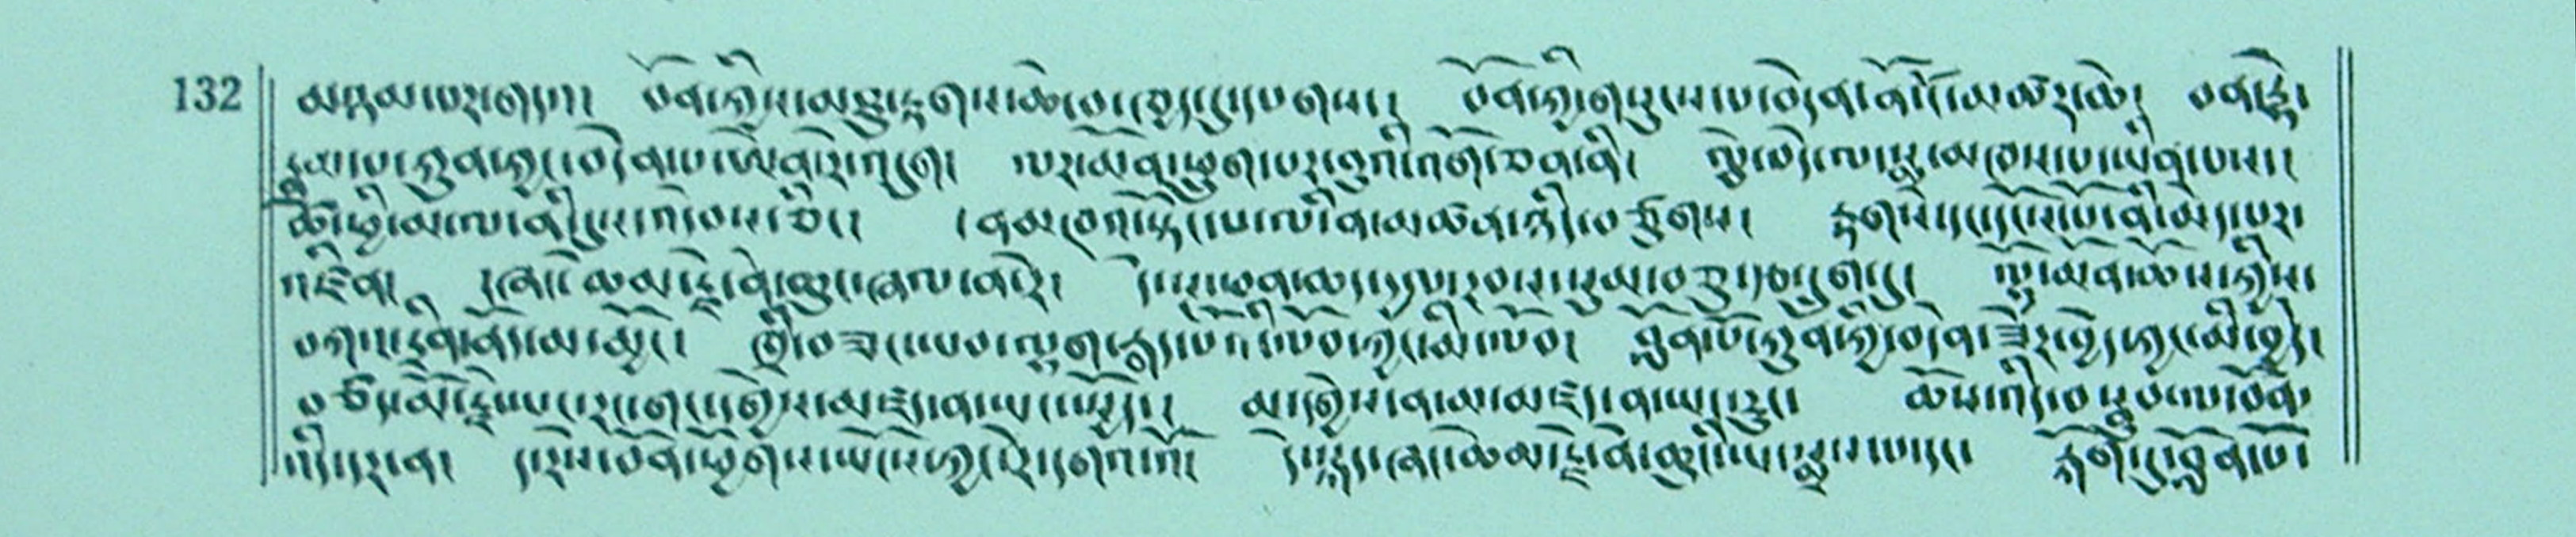མཉམ་པར་གདའ། བོན་གྱིས་མཐུ་རྟགས་ཆེ་བ་ཁྱད་དུ་འཔགས། བོན་གྱི་གསུང་བ་བདེན་ནོ་ངོ་མཚར་ཆེ། བན་དྷེ་
རྣམ་པ་ཀུན་ཀྱང་བདེན་པ་ཨེ་རེ་འདུག ལར་མོན་ཕྲུག་པར་བུའི་མགོ་ཅན་ནི། ལྕེ་བདེ་ལ་སྨྲ་མཁས་པ་ཡིན་པས། 
ཚེ་ཕྱི་མ་ལ་ནི་དུས་འདེབས་ཅིང་། ནམ་མཁའ་སྟོང་པ་ལ་ནི་མཚན་ཉིད་བཙུགས། རྟགས་དང་དངོས་པོ་ནི་མེད་པར་
འཛིན། ཞང་ཆེམ་རྗེ་ནེ་ཆུང་ཞལ་ན་རེ། དེ་སྔ་ཕན་ཆད་རྒྱལ་རབས་སུམ་བཅུ་རྩ་དྲུག་ཏུ། ལྷོ་མོན་ཆོས་ཀྱི་
བཀའ་དྲིན་ནོད་མ་མྱོང་། ཁྲི་བཟང་ཡབ་ལྷག་རྒད་པོའི་ལོབ་ཀྱང་མི་ལོབ། བློན་པོ་ཀུན་ཀྱི་བདེན་ཟེར་བྱེད་ཀྱང་མི་བྱེད། །
བཙད་མོ་རྗེ་ཡང་རང་གང་དགྱེས་མཛད་ན་ཡང་སྤྱོད། མ་དགྱེས་ན་ལ་མཛད་ན་ཡང་རུང་། ཆོས་འདི་བསྣུབ་ལ་བོན་
འདི་དར་ན། ད་རེས་བོན་ཕྱོགས་ཡོངས་ཀྱང་རེ་དགའ་འོ། །དེ་སྐད་ཞང་ཆེམ་རྗེ་ནེའུ་ཆུང་གི་སྨྲས་པ་དང་། ལྐོག་ཏུ་བློན་པོ་